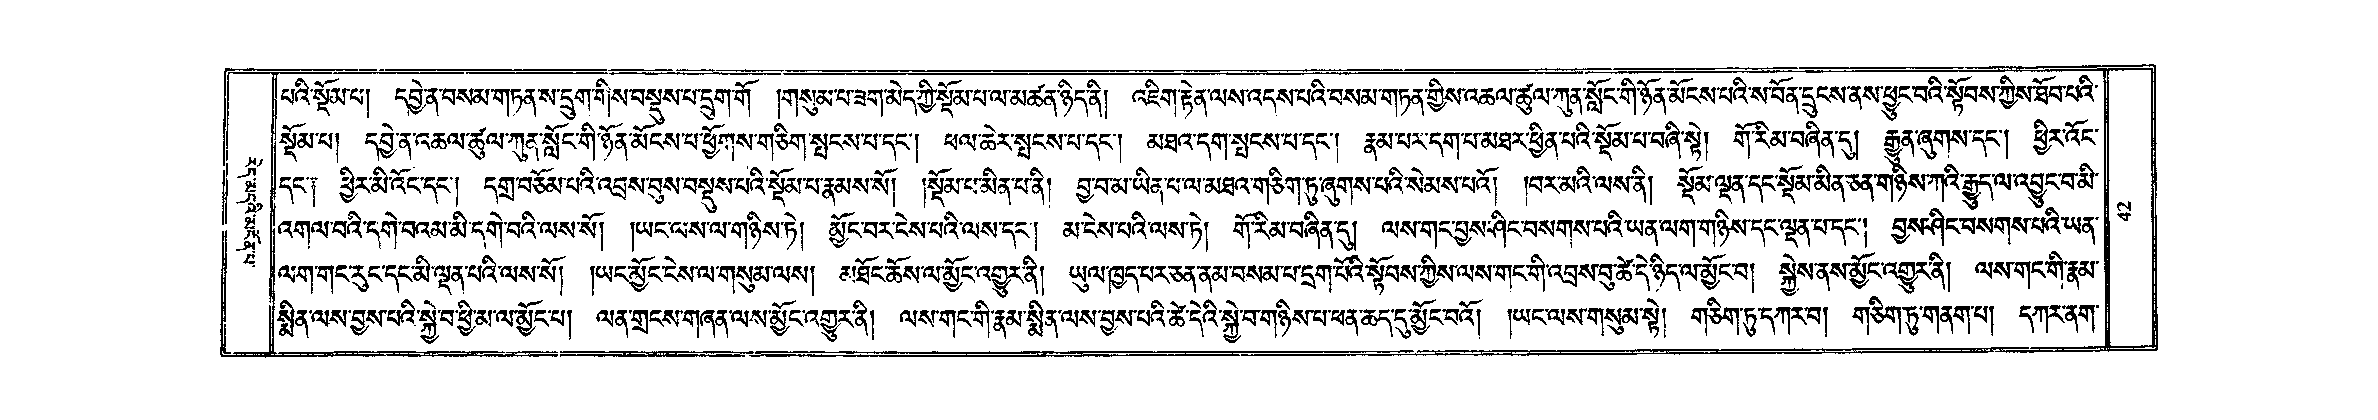པའི་སྡོམ་པ། དབྱེ་ན་བསམ་གཏན་ས་དྲུག་གིས་བསྡུས་པ་དྲུག་གོ །གསུམ་པ་ཟག་མེད་ཀྱི་སྡོམ་པ་ལ་མཚན་ཉིད་ནི། འཇིག་རྟེན་ལས་འདས་པའི་བསམ་གཏན་གྱིས་འཆལ་ཚུལ་ཀུན་སློང་གི་ཉོན་མོངས་པའི་ས་བོན་དྲུངས་ནས་ཕྱུང་བའི་སྟོབས་ཀྱིས་ཐོབ་པའི་
སྡོམ་པ། དབྱེ་ན་འཆལ་ཚུལ་ཀུན་སློང་གི་ཉོན་མོངས་པ་ཕྱོགས་གཅིག་སྤངས་པ་དང་། ཕལ་ཆེར་སྤངས་པ་དང་། མཐའ་དག་སྤངས་པ་དང་། རྣམ་པར་དག་པ་མཐར་ཕྱིན་པའི་སྡོམ་པ་བཞི་སྟེ། གོ་རིམ་བཞིན་དུ། རྒྱུན་ཞུགས་དང་། ཕྱིར་འོང་
དང༑ ཕྱིར་མི་འོང་དང་། དགྲ་བཅོམ་པའི་འབྲས་བུས་བསྡུས་པའི་སྡོམ་པ་རྣམས་སོ། །སྡོམ་པ་མིན་པ་ནི། བྱ་བ་མ་ཡིན་པ་ལ་མཐའ་གཅིག་ཏུ་ཞུགས་པའི་སེམས་པའོ། །བར་མའི་ལས་ནི། སྡོམ་ལྡན་དང་སྡོམ་མིན་ཅན་གཉིས་ཀའི་རྒྱུད་ལ་འབྱུང་བ་མི་
འགལ་བའི་དགེ་བའམ་མི་དགེ་བའི་ལས་སོ། །ཡང་ལས་ལ་གཉིས་ཏེ། མྱོང་བར་ངེས་པའི་ལས་དང་། མ་ངེས་པའི་ལས་ཏེ། གོ་རིམ་བཞིན་དུ། ལས་གང་བྱས་ཤིང་བསགས་པའི་ཡན་ལག་གཉིས་དང་ལྡན་པ་དང་། བྱས་ཤིང་བསགས་པའི་ཡན་
ལག་གང་རུང་དང་མི་ལྡན་པའི་ལས་སོ། །ཡང་མྱོང་ངེས་ལ་གསུམ་ལས། མཐོང་ཆོས་ལ་མྱོང་འགྱུར་ནི། ཡུལ་ཁྱད་པར་ཅན་ནམ་བསམ་པ་དྲག་པོའི་སྟོབས་ཀྱིས་ལས་གང་གི་འབྲས་བུ་ཚེ་དེ་ཉིད་ལ་མྱོང་བ། སྐྱེས་ནས་མྱོང་འགྱུར་ནི། ལས་གང་གི་རྣམ་
སྨིན་ལས་བྱས་པའི་སྐྱེ་བ་ཕྱི་མ་ལ་མྱོང་པ། ལན་གྲངས་གཞན་ལས་མྱོང་འགྱུར་ནི། ལས་གང་གི་རྣམ་སྨིན་ལས་བྱས་པའི་ཚེ་དེའི་སྐྱེ་བ་གཉིས་པ་ཕན་ཆད་དུ་མྱོང་བའོ། །ཡང་ལས་གསུམ་སྟེ། གཅིག་ཏུ་དཀར་བ། གཅིག་ཏུ་གནག་པ། དཀར་ནག་